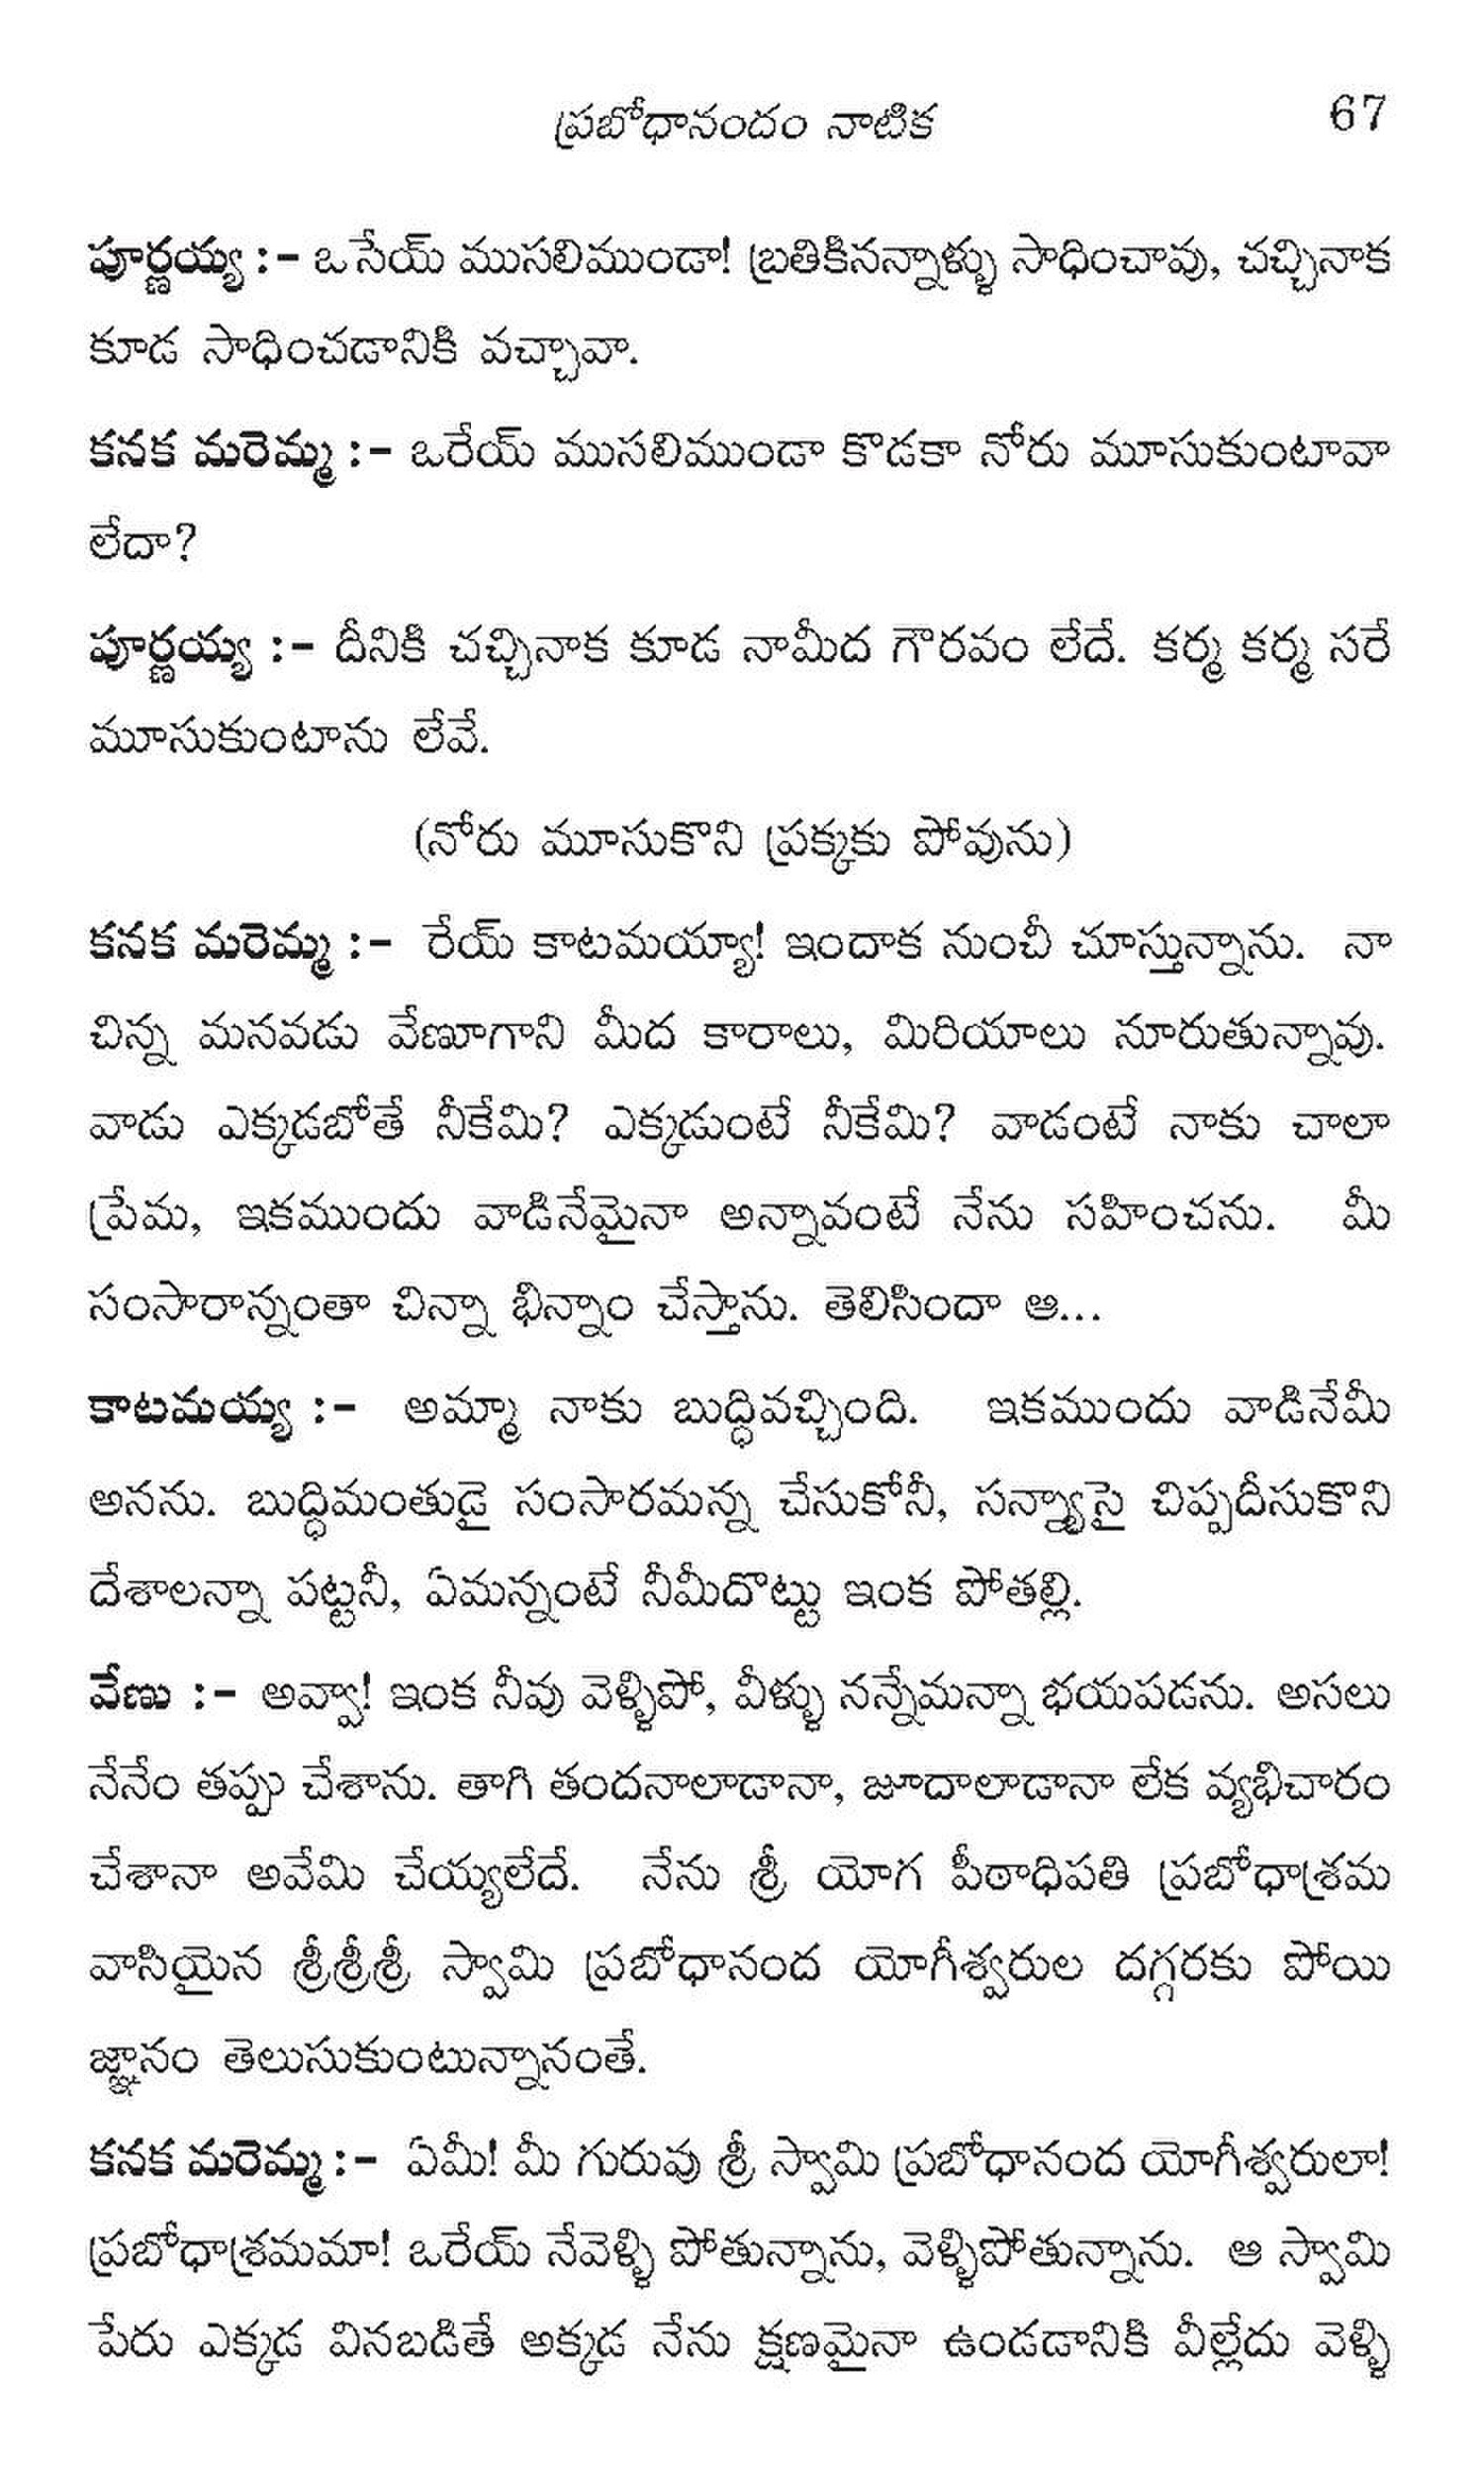పూర్ణయ్య :- ఒసేయ్‌ ముసలిముండా! బ్రతికినన్నాళ్ళు సాధించావు, చచ్చినాక కూడ సాధించడానికి వచ్చావా.

కనక మరెమ్మ :- ఒరేయ్‌ ముసలిముండా కొడకా నోరు మూసుకుంటావా లేదా?

పూర్ణయ్య :- దీనికి చచ్చినాక కూడ నామీద గౌరవం లేదే. కర్మ కర్మ సరే మూసుకుంటాను లేవే.

కనక మరెమ్మ :- రేయ్‌ కాటమయ్యా! ఇందాక నుంచీ చూస్తున్నాను. నా చిన్న మనవడు వేణూగాని మీద కారాలు, మిరియాలు నూరుతున్నావు. వాడు ఎక్కడబోతే నీకేమి? ఎక్కడుంటే నీకేమి? వాడంటే నాకు చాలా ప్రేమ, ఇకముందు వాడినేమైనా అన్నావంటే నేను సహించను. మీ సంసారాన్నంతా చిన్నా భిన్నాం చేస్తాను. తెలిసిందా ఆ...

కాటమయ్య :-	అమ్మా నాకు బుద్ధివచ్చింది. ఇకముందు వాడినేమీ అనను. బుద్ధిమంతుడై సంసారమన్న చేసుకోనీ, సన్న్యాసై చిప్పదీసుకొని దేశాలన్నా పట్టనీ, ఏమన్నంటే నీమీదొట్టు ఇంక పోతల్లి.

వేణు :-	 అవ్వా! ఇంక నీవు వెళ్ళిపో, వీళ్ళు నన్నేమన్నా భయపడను. అసలు నేనేం తప్పు చేశాను. తాగి తందనాలాడానా, జూదాలాడానా లేక వ్యభిచారం చేశానా అవేమి చేయ్యలేదే. నేను శ్రీ యోగ పీఠాధిపతి ప్రబోధాశ్రమ వాసియైన శ్రీశ్రీశ్రీ స్వామి ప్రబోధానంద యోగీశ్వరుల దగ్గరకు పోయి జ్ఞానం తెలుసుకుంటున్నానంతే.

కనక మరెమ్మ :- ఏమీ! మీ గురువు శ్రీ స్వామి ప్రబోధానంద యోగీశ్వరులా! ప్రబోధాశ్రమమా! ఒరేయ్‌ నేవెళ్ళి పోతున్నాను, వెళ్ళిపోతున్నాను. ఆ స్వామి పేరు ఎక్కడ వినబడితే అక్కడ నేను క్షణమైనా ఉండడానికి వీల్లేదు వెళ్ళి